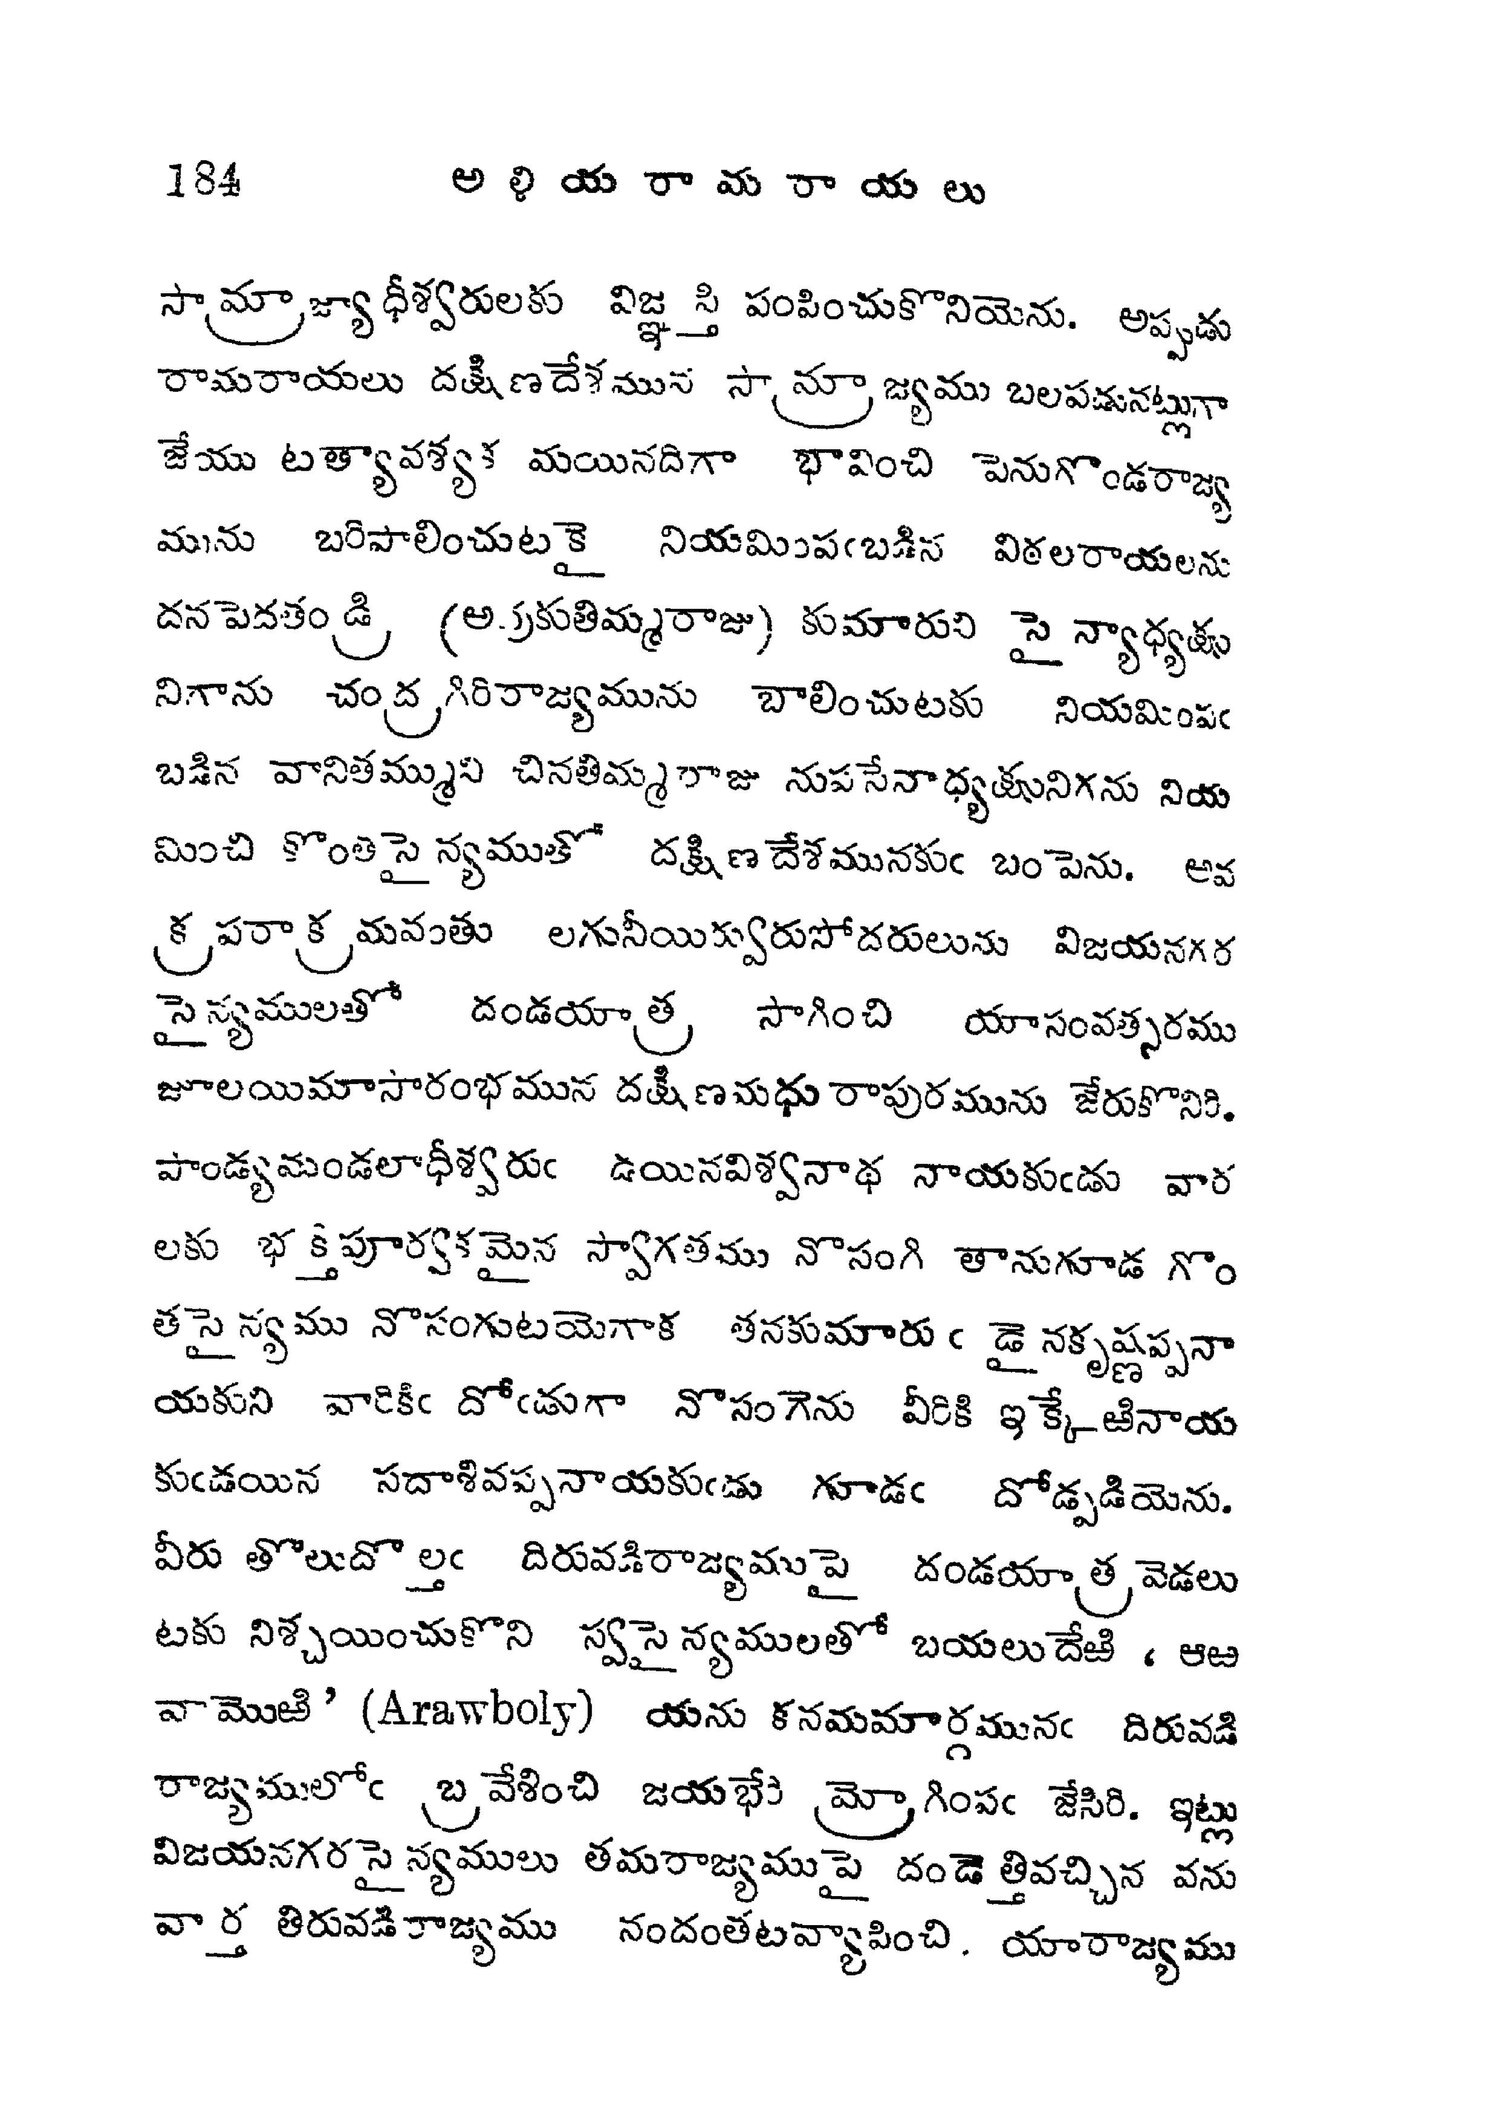సామ్రాజ్యాధీశ్వరులకు విజ్ఞప్తి పంపించుకొనియెను. అప్పుడు రామరాయలు దక్షిణదేశమున సామ్రాజ్యము బలపడునట్లుగా జేయు టత్యావశ్యక మయినదిగా భావించి పెనుగొండరాజ్యమును బరిపాలించుటకై నియమింపబడిన విఠలరాయలను దనపెదతండ్రి (అవుకుతిమ్మరాజు) కుమారుని సైన్యాధ్యక్షునిగాను చంద్రగిరిరాజ్యమును బాలించుటకు నియమింపబడిన వానితమ్ముని చినతిమ్మరాజు నుపసేనాధ్యక్షునిగను నియమించి కొంతసైన్యముతో దక్షిణదేశమునకు బంపెను. అవక్రపరాక్రమవంతు లగునీయిర్వురుసోదరులును విజయనగరసైన్యములతో దండయాత్ర సాగించి యాసంవత్సరము జూలయిమాసారంభమున దక్షిణమధురాపురమును జేరుకొనిరి. పాండ్యమండలాధీశ్వరు డయినవిశ్వనాథ నాయకుడు వారలకు భక్తిపూర్వకమైన స్వాగతము నొసంగి తానుగూడ గొంతసైన్యము నొసంగుటయెగాక తనకుమారు డైనకృష్ణప్పనాయకుని వారికి దోడుగా నొసంగెను.వీరికి ఇక్కేఱినాయకుడయిన సదాశివప్ప నాయకుడు గూడ దోడ్పడియెను. వీరు తొలుదొల్త దిరువడిరాజ్యముపై దండయాత్ర వెడలుటకు నిశ్చయించుకొని స్వసైన్యములతో బయలుదేఱి 'ఆఱవామొఱి' (Arawboly) యను కనమ మార్గమున దిరువడి రాజ్యములో బ్రవేశించి జయభేరి మ్రోగింప జేసిరి. ఇట్లు విజయనగరసైన్యములు తమరాజ్యముపై దండెత్తివచ్చిన వనువార్త తిరువడిరాజ్యము నందంతటవ్యాపించి యారాజ్యము